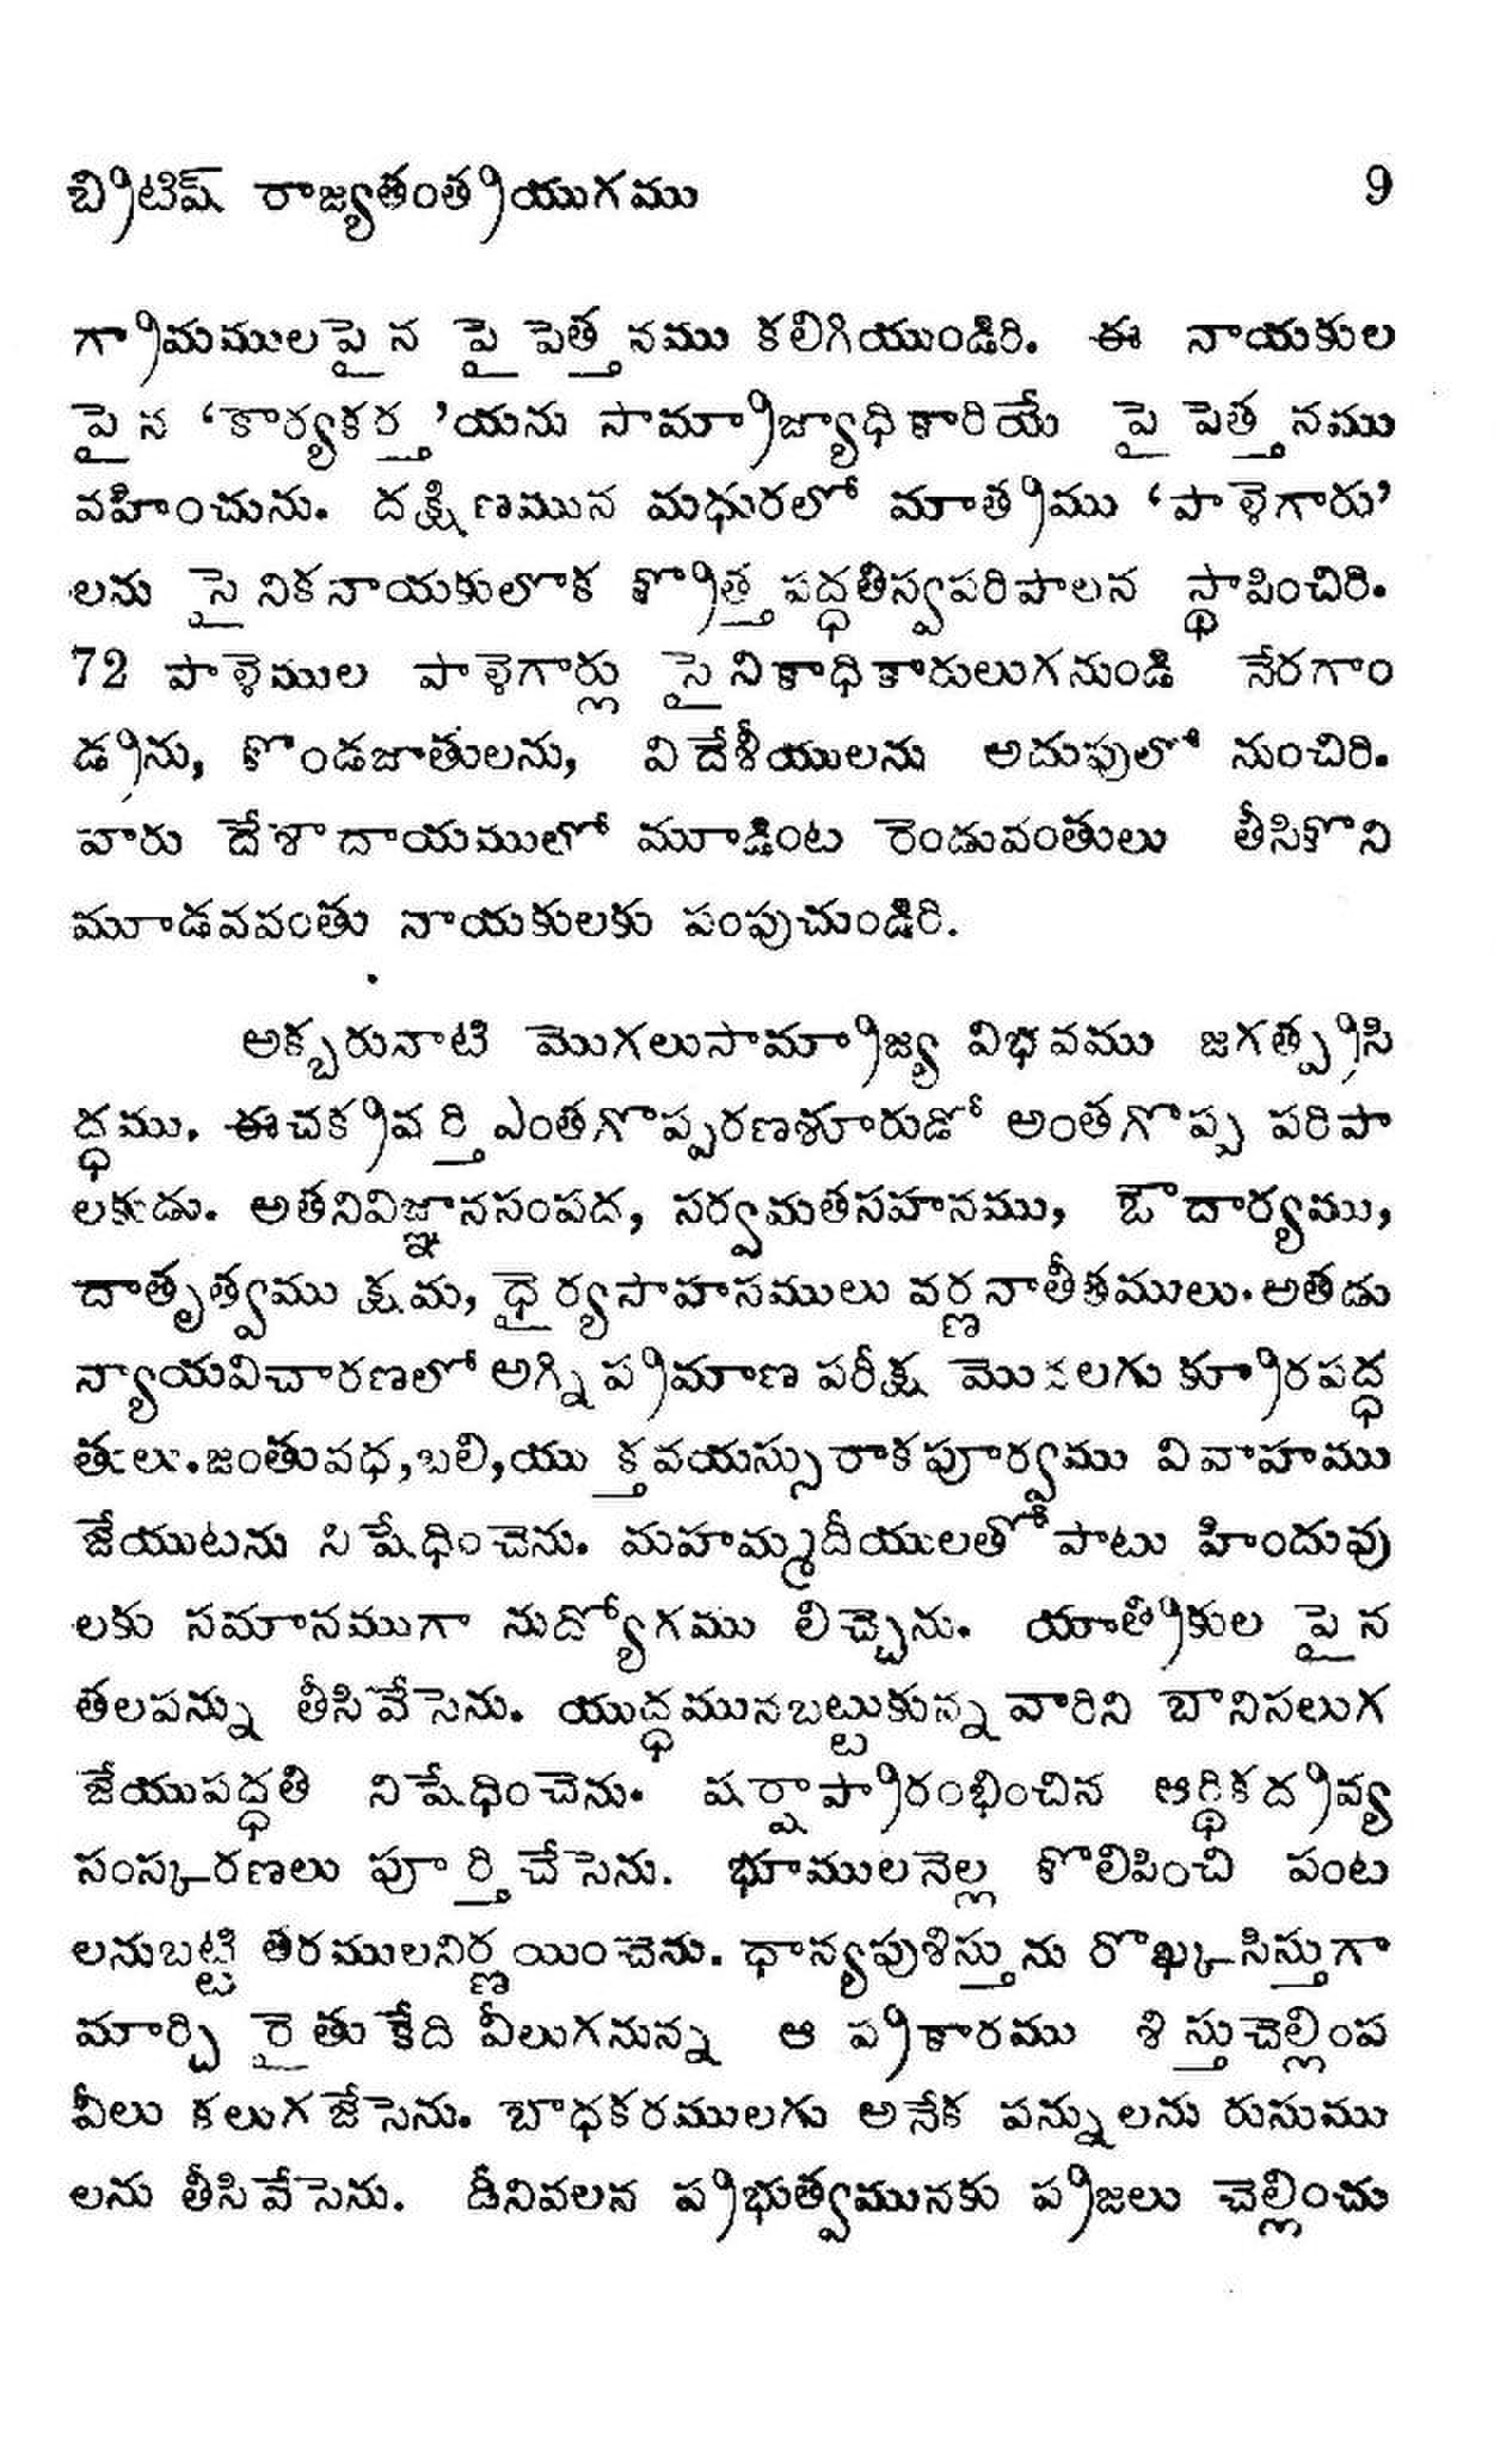గ్రామములపైన పై పెత్తనము కలిగియుండిరి. ఈ నాయకులపైన 'కార్యకర్త 'యను సామ్రాజ్యాధికారియే పై పెత్తనము వహించును. దక్షిణమున మధురలో మాత్రము ' పాళెగారు' లను సైనికనాయకులొక క్రొత్త పద్దతిస్వపరిపాలన స్థాపించిరి. 72 పాళెముల పాళెగార్లు సైనికాధికారులుగనుండి ' నేరగాండ్రను, కొండజాతులను, విదేశీయులను అదుపులో నుంచిరి. వారు దేశాదాయములో మూడింట రెండువంతులు తీసికొని మూడవవంతు నాయకులకు పంపుచుండిరి.

అక్బరునాటి మొగలుసామ్రాజ్య విభవము జగత్ప్రసిద్దము. ఈచక్రవర్తి ఎంతగొప్పరణశూరుడో అంతగొప్ప పరిపాలకుడు. అతనివిజ్ఞానసంపద, సర్వమతసహనము, ఔదార్యము, దాతృత్వము క్షమ, ధైర్యసాహసములు వర్ణనాతీతములు. అతడు న్యాయవిచారణలో అగ్నిప్రమాణ పరీక్ష మొదలగు క్రూరపద్దతులు, జంతువధ, బలి, యుక్తవయస్సురాక పూర్వము వివాహము జేయుటను సిషేధించెను. మహమ్మదీయులతో పాటు హిందువులకు సమానముగా నుద్యోగము లిచ్చెను. యాత్రీకుల పైన తలపన్ను తీసివేసెను. యుద్ధమునబట్టుకున్న వారిని బానిసలుగ జేయుపద్ధతి నిషేధించెను. షర్షాప్రారంభించిన ఆర్థికదవ్య సంస్కరణలు పూర్తిచేసెను. భూములనెల్ల కొలిపించి పంటలనుబట్టి తరములనిర్ణయించెను. ధాన్యపుశిస్తును రొఖ్కసిస్తుగా మార్చి రైతు కేది వీలుగనున్న ఆ ప్రకారము శిస్తుచెల్లింప వీలు కలుగజేసెను. బాధకరములగు అనేక పన్నులను రుసుములను తీసివేసెను. దీనివలన ప్రభుత్వమునకు ప్రజలు చెల్లించు